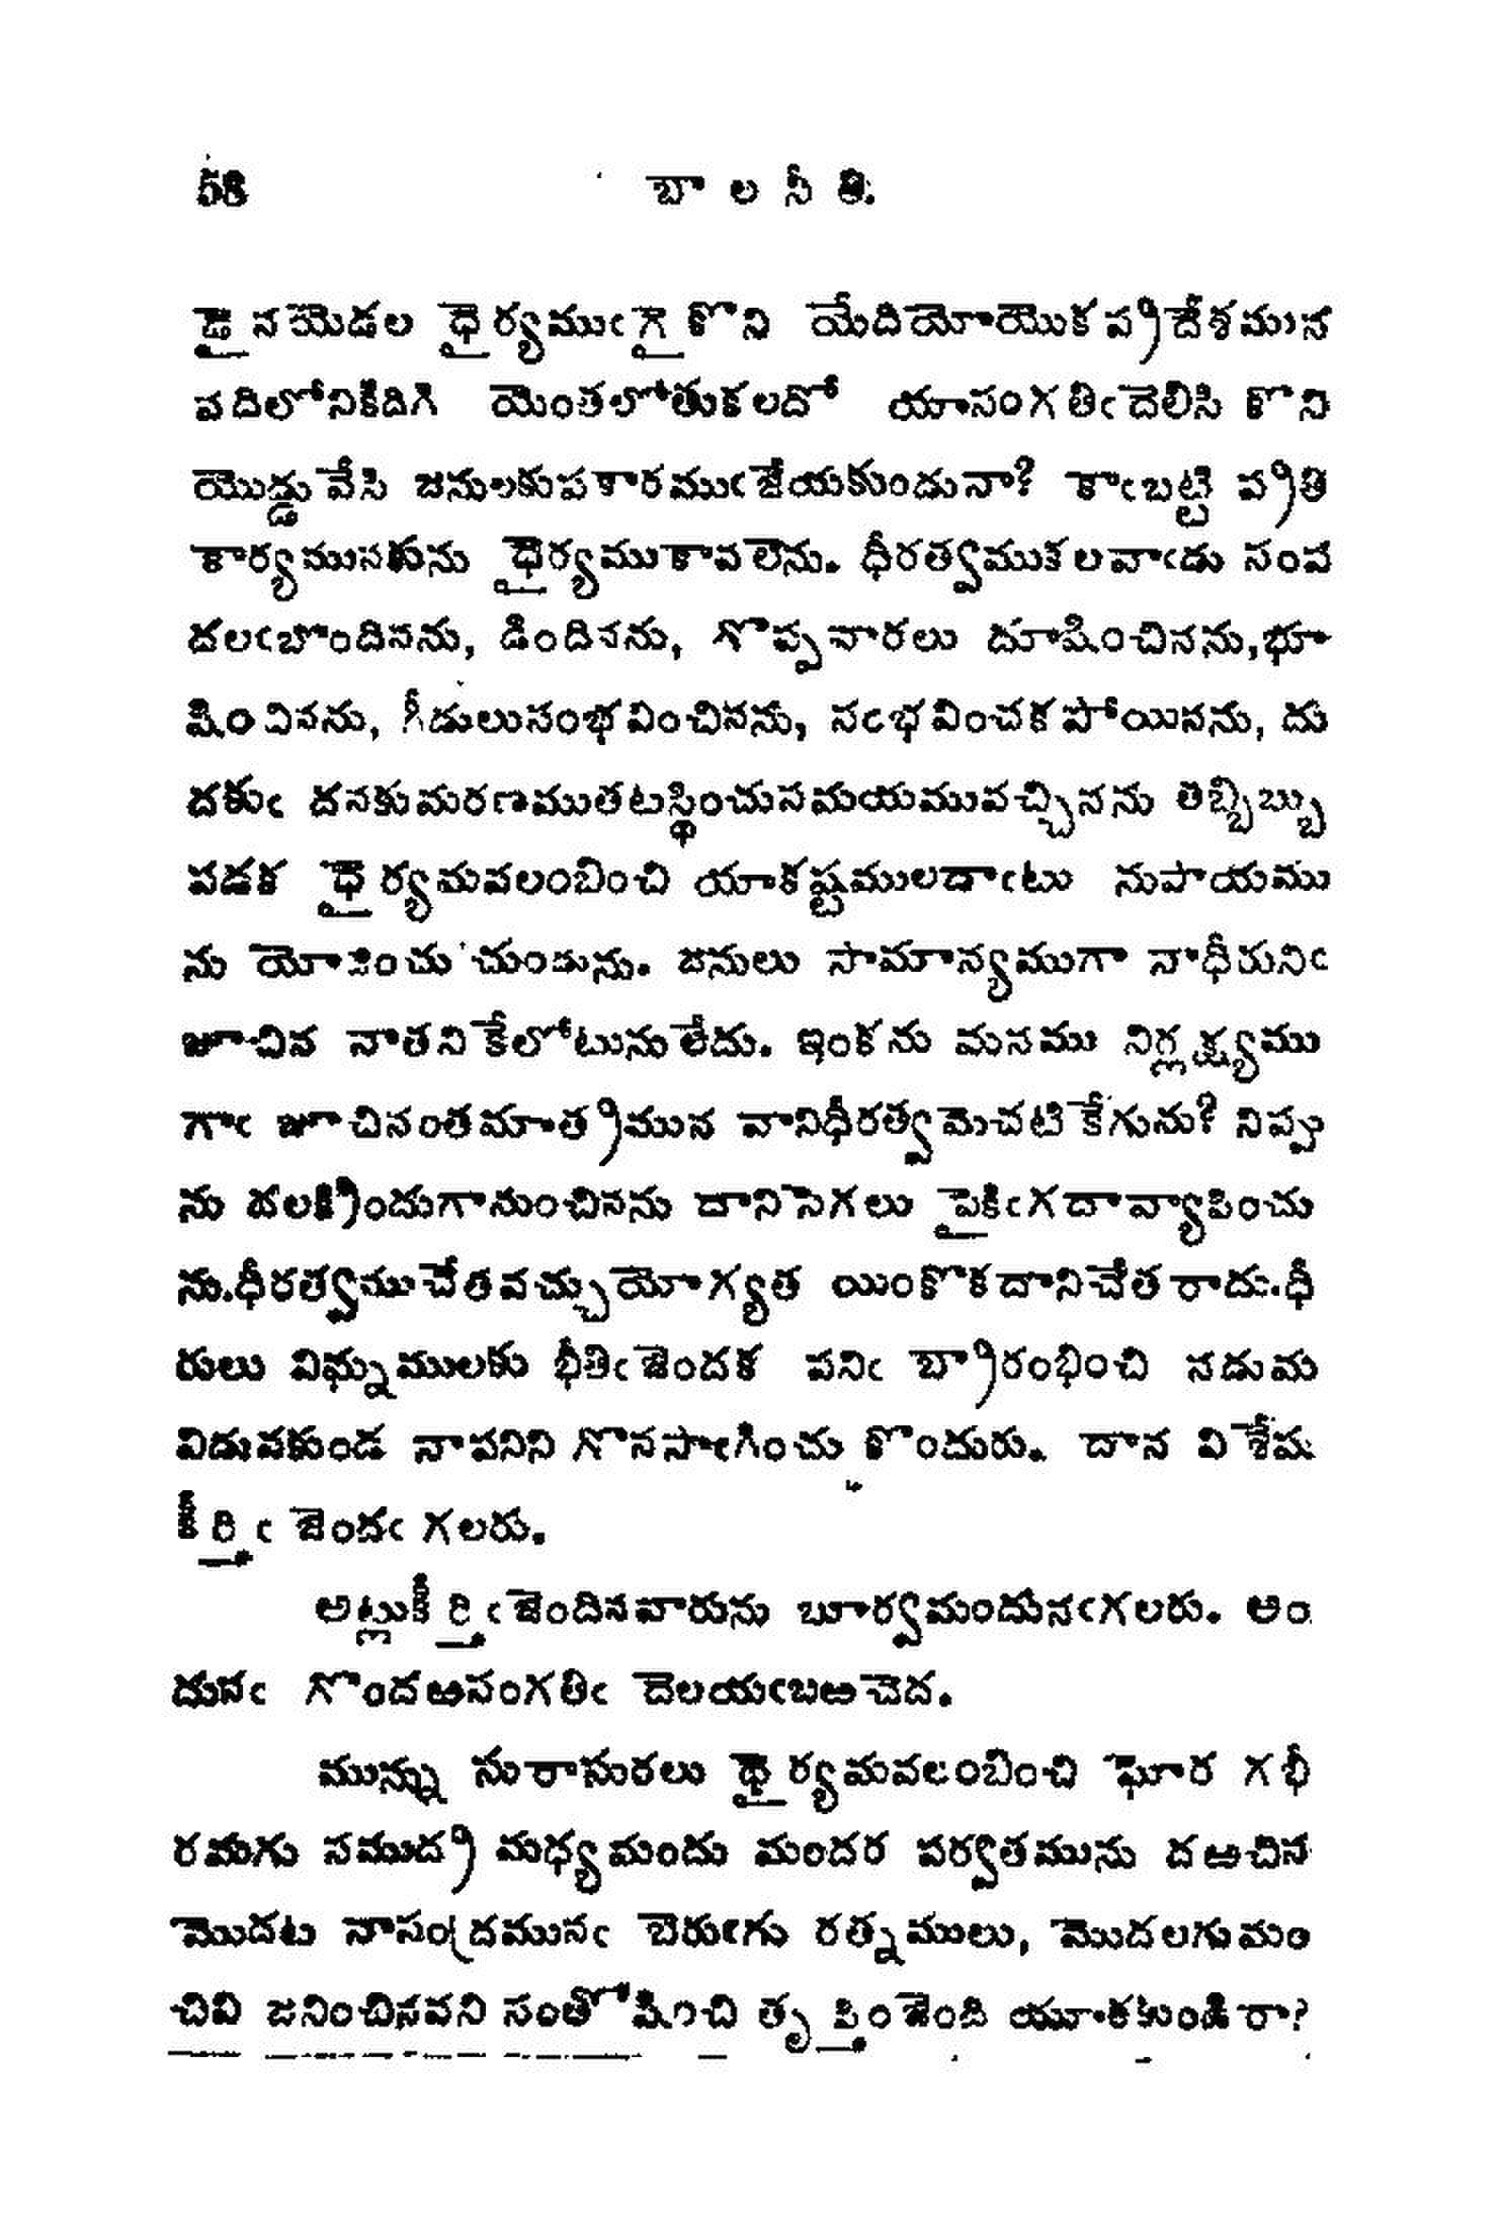డైనయెడల ధైర్యముఁగైకొని యేదియొయొకప్రదేశమున 
నదిలోనికిదిగి యెంతలోతుకలదో యాసంగతిఁదెలిసి కొని 
యొడ్దువేసి జనులకుపకారముఁజేయకుండునా? కాఁబట్టి ప్రతి
కార్యమునకును ధైర్యముకావలెను. ధీరత్వముకలవాఁడు సంప
దలఁబొందినను, డిందినను, గొప్పవారలు దూషించినను, భూ
షించినను, గీడులుసంభవించినను, సంభవించకపోయినను, దు
దకుఁ దనకుమరణముతటస్థించుసమయమువచ్చినను తబ్బిబ్బు
పడక ధైర్యమవలంబించి యాకష్టములదాఁటు నుపాయము
ను యోచించు చుండును. జనులు సామాన్యముగా నాధీరునిఁ
జూచిన నాతనికేలోటునులేదు. ఇంకను మనము నిర్లక్ష్యము
గాఁ జూచినంతమాత్రమున వానిధీరత్వమెచటికేగును? నిప్పు
ను దలక్రిందుగానుంచినను దానిసెగలు పైకిఁగదావ్యాపించు
ను. ధీరత్వముచేతవచ్చుయోగ్యత యింకొకదానిచేత రాదు. ధీ
రులు విఘ్నములకు భీతిజెందక పనిఁ బ్రారంభించి నడుమ
విడువకుండ నాపనిని గొనసాఁగించు కొందురు. దాన విశేష
కీర్తిఁ జెందఁ గలరు.

అట్లుకీర్తిఁజెందినవారును బూర్వమందునఁగలరు. అం
దునఁ గొందఱసంగతిఁ దెలియఁబఱచెద.

మున్ను సురాసురులు ధైర్యమవలంబించి ఘోర గభీ
రమగు సముద్ర మధ్యమందు మందర పర్వతమును దఱచిన 
మొదట నాసంద్రమునఁ బెరుఁగు రత్నములు, మొదలగుమం
చివి జనించినవని సంతోషించి తృప్తింజెంది యూరకుండిరా?